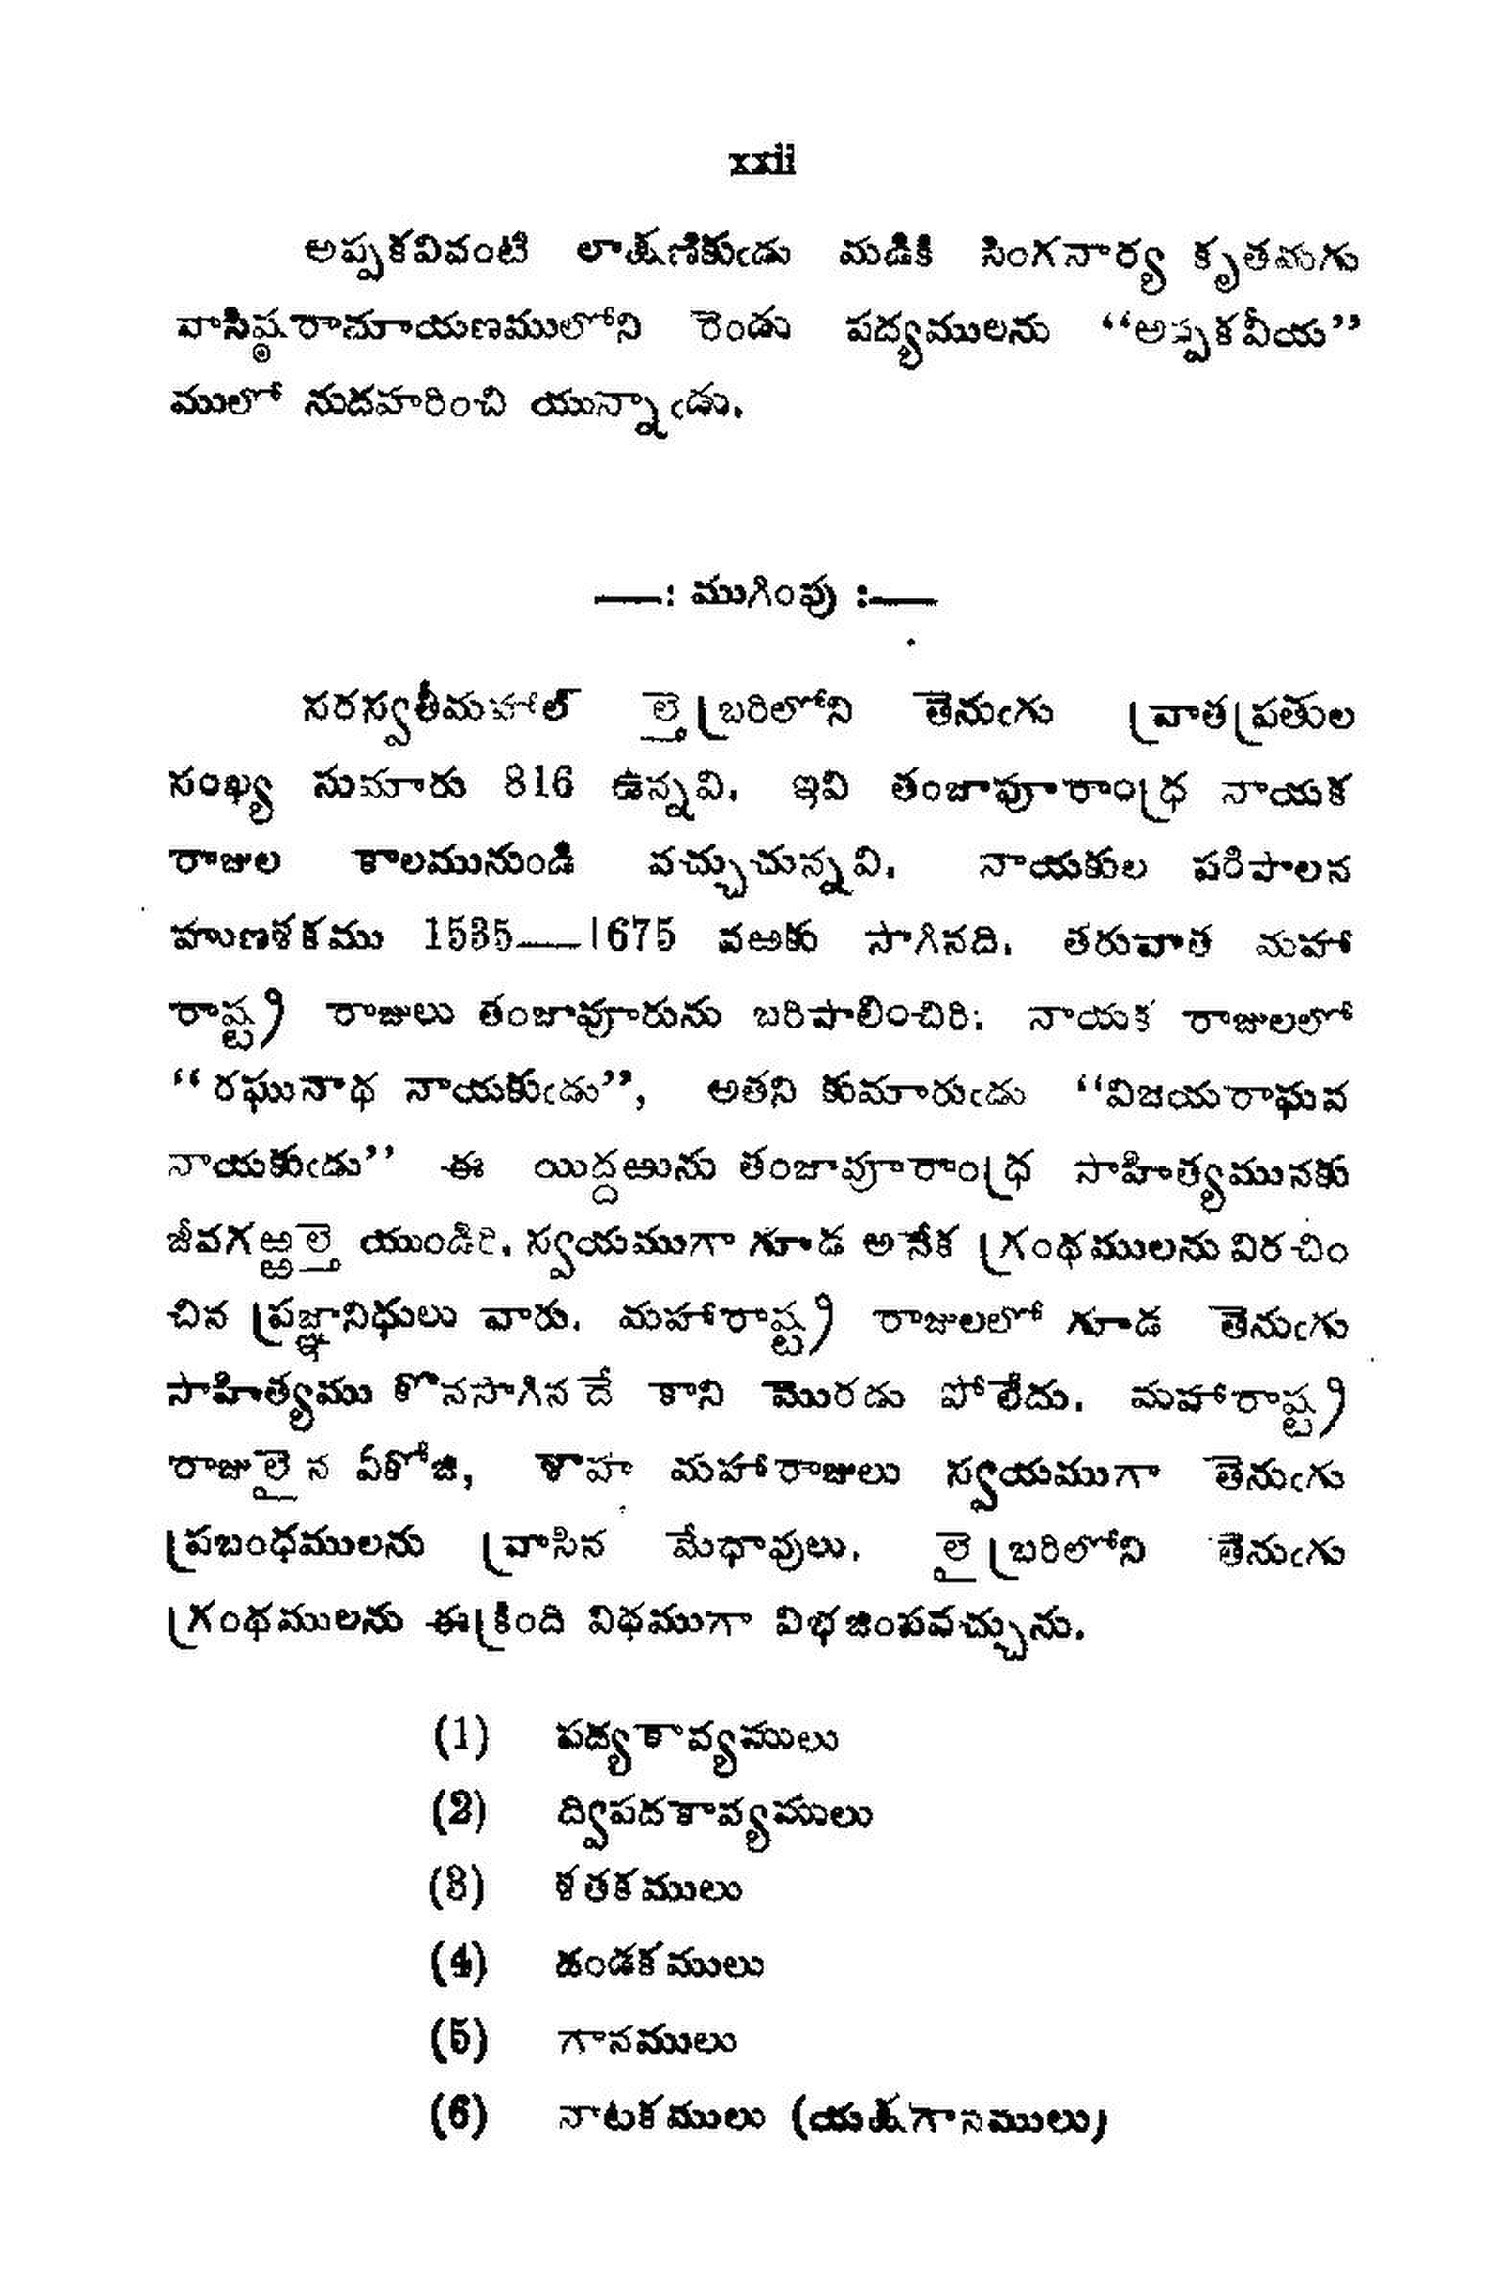అప్పకవి వంటి లాక్షణికుఁడు మడికి సింగనార్య కృతమగు వాసిష్ఠరామాయణములోని రెండు పద్యములను “అప్పకవీయము” లో నుదహరించి యున్నాఁడు. 
ముగింపు
సరస్వతీమహల్ లైబ్రరీలోని తెనుఁగు వ్రాతప్రతుల సంఖ్య సుమారు 816 ఉన్నవి. ఇవి తంజావూరాంధ్ర నాయక రాజుల కాలమునుండి వచ్చుచున్నవి. నాయకుల పరిపాలన హూణశకము 1535—1675 వఱకు సాగినది. తరువాత మహారాష్ట్ర రాజులు తంజావూరును బరిపాలించిరి. నాయకరాజులలో “రఘునాథ నాయకుఁడు”. అతని కుమారుఁడు “విజయరాఘవ నాయకుఁడు”. ఈ యిద్దఱును తంజావూరాంధ్రసాహిత్యమునకు జీవగఱ్ఱలై యుండిరి. స్వయముగా గూడ అనేక గ్రంథములను విరచించిన ప్రజ్ఞానిధులు వారు. మహారాష్ట్ర రాజులలో గూడ తెనుఁగు సాహిత్యము కొనసాగినదే కాని మొరడు పోలేదు. మహారాష్ట్ర రాజులైన ఏకోజీ, శాహ మహారాజులు స్వయముగా తెనుఁగు ప్రబంధములను వ్రాసిన మేధావులు. లైబ్రరీలోని తెనుఁగు గ్రంథములను ఈవిధముగా విభజించవచ్చును.
 పద్యకావ్యములు
 ద్విపదకావ్యములు
 శతకములు
 దండకములు
 గానములు
 నాటకములు (యక్షగానములు)